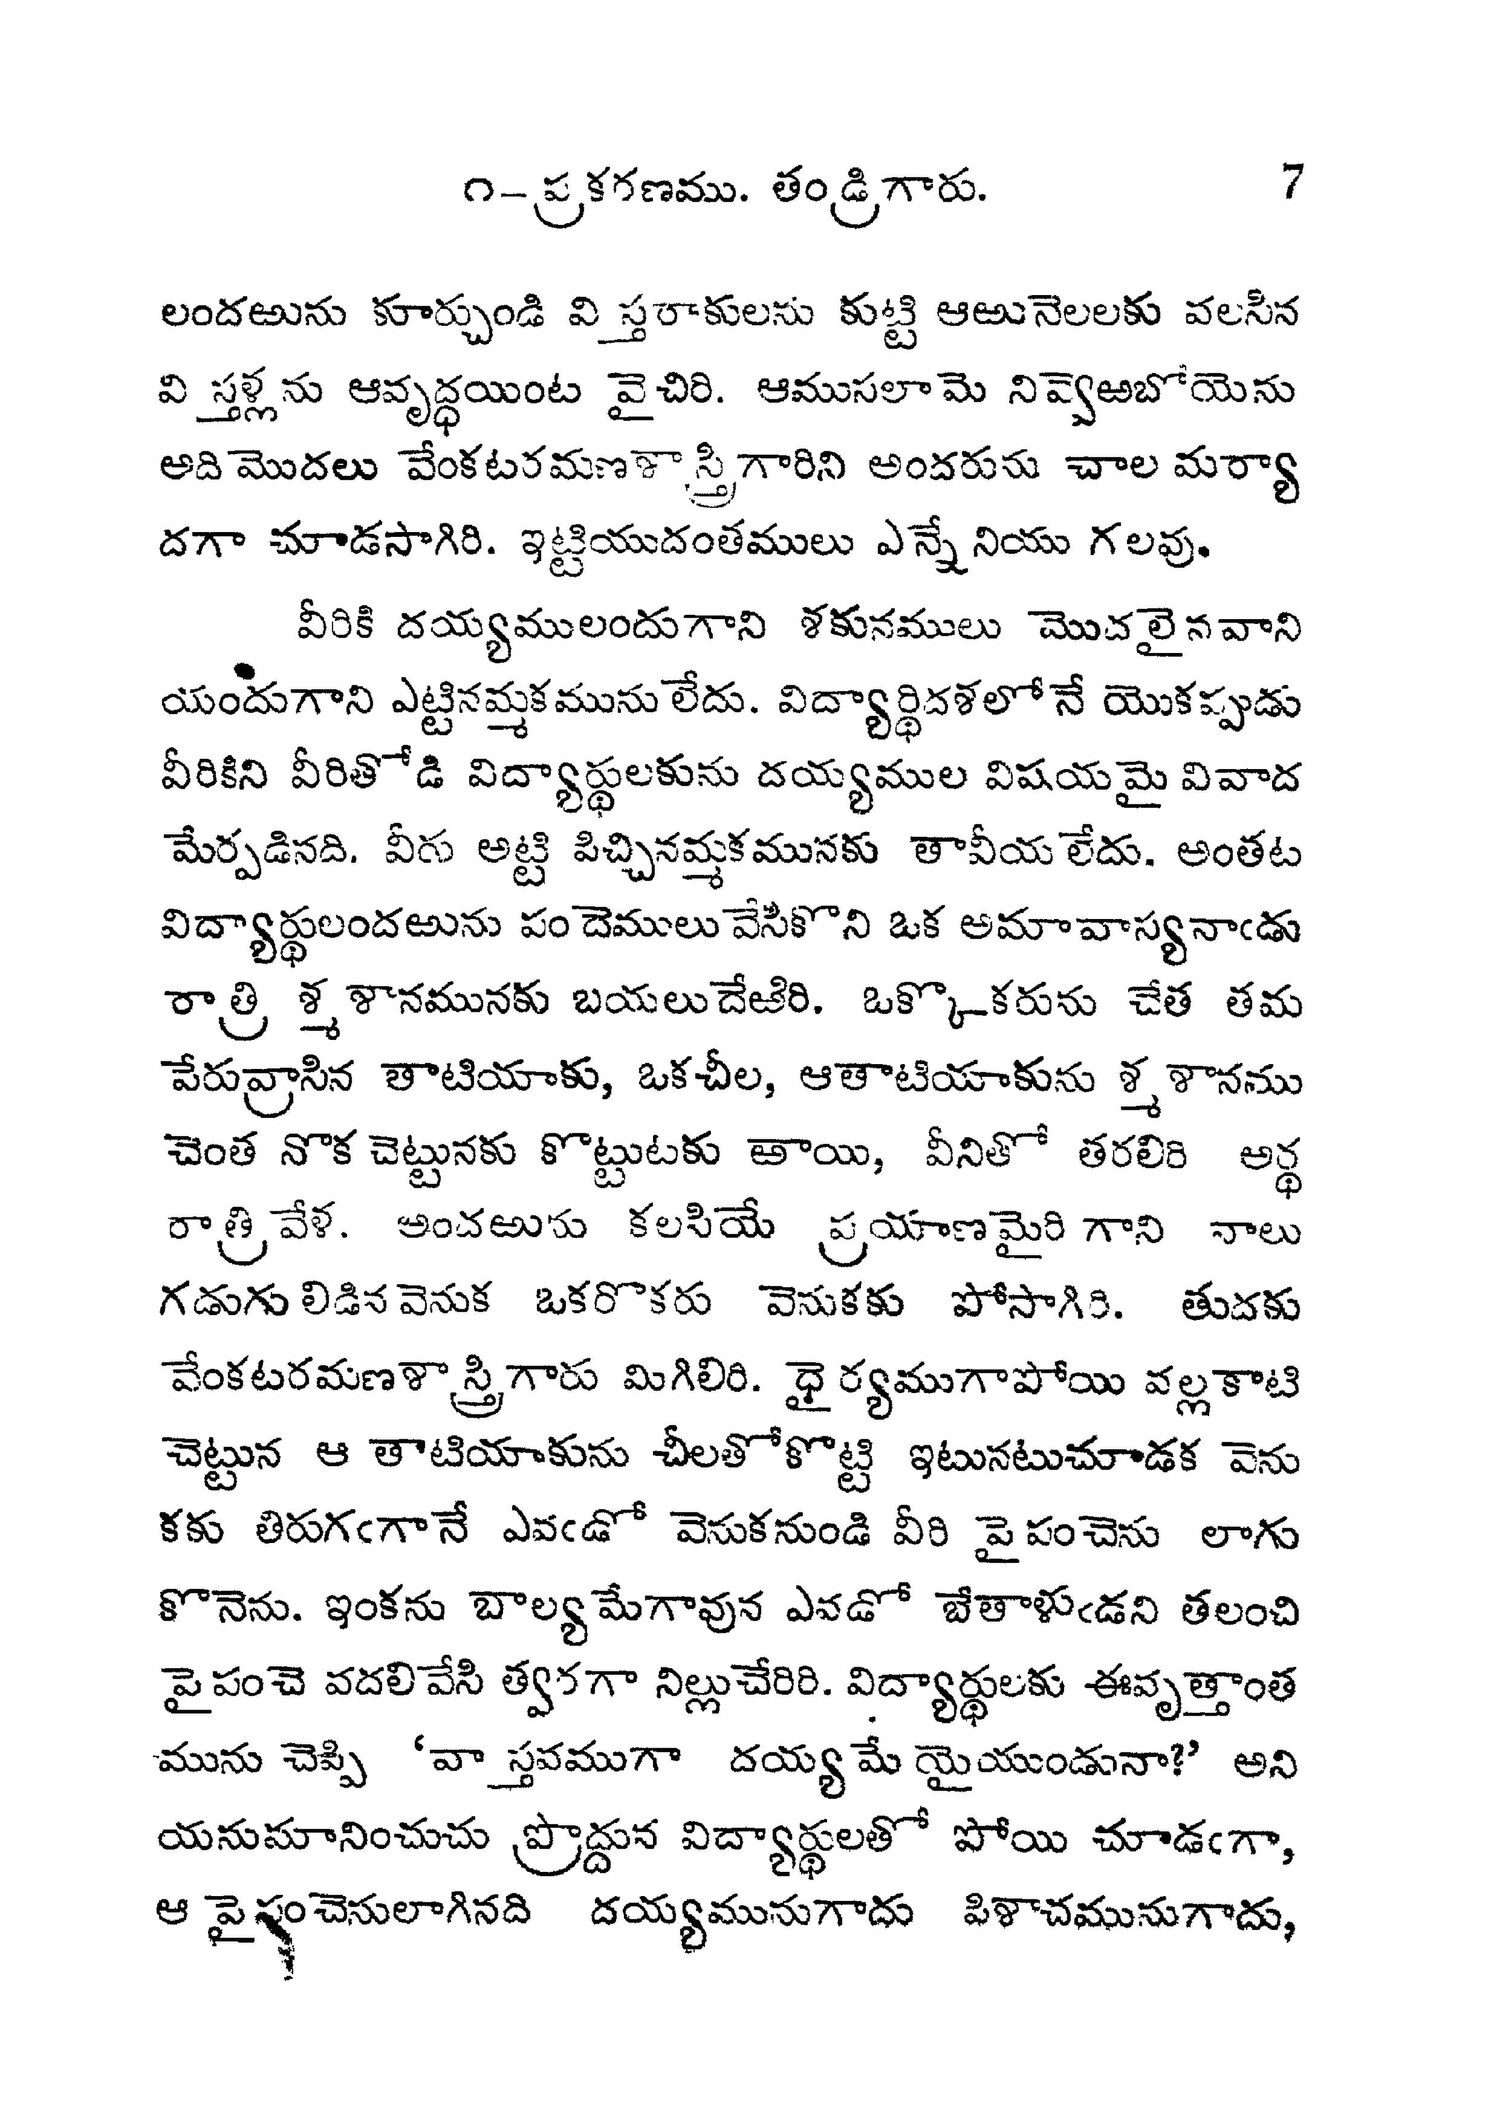లందఱను కూర్చుండి విస్తరాకులను కుట్టి ఆఱునెలలకు వలసిన విస్తళ్లను ఆవృద్ధయింట వైచిరి. ఆముసలామె నివ్వెఱబోయెను. అదిమొదలు వేంకటరమణశాస్త్రిగారిని అందరును చాల మర్యాదగా చూడసాగిరి. ఇట్టియుదంతములు ఎన్నేనియు గలవు.

వీరికి దయ్యములందుగాని శకునములు మొదలైనవాని యందుగాని ఎట్టినమ్మకమునులేదు. విద్యార్థిదశలోనే యొకప్పుడు వీరికిని వీరితోడి విద్యార్థులకును దయ్యముల విషయమై వివాద మేర్పడినది. వీరు అట్టి పిచ్చినమ్మకమునకు తావీయలేదు. అంతట విద్యార్థులందఱును పందెములు వేసికొని ఒక అమావాస్యనాడు రాత్రి శ్మశానమునకు బయలుదేఱిరి. ఒక్కొకరును చేత తమపేరువ్రాసిన తాటియాకు, ఒకచీల, ఆతాటియాకును శ్మశానము చెంత నొక చెట్టునకు కొట్టుటకు ఱాయి, వీనితో తరలిరి అర్థరాత్రివేళ. అందఱును కలసియే ప్రయాణమైరి గాని నాలుగడుగు లిడిన వెనుక ఒకరొకరు వెనుకకు పోసాగిరి. తుదకు వేంకటరమణశాస్త్రిగారు మిగిలిరి. ధైర్యముగాపోయి వల్లకాటి చెట్టున ఆ తాటియాకును చీలతోకొట్టి ఇటునటుచూడక వెనుకకు తిరుగగానే ఎవడో వెనుకనుండి వీరి పైపంచెను లాగుకొనెను. ఇంకను బాల్యమేగావున ఎవడో బేతాళుడని తలంచి పైపంచె వదలివేసి త్వరగా నిల్లుచేరిరి. విద్యార్థులకు ఈవృత్తాంతమును చెప్పి 'వాస్తవముగా దయ్యమే యైయుండునా?' అని యనుమానించుచు ప్రొద్దున విద్యార్థులతో పోయి చూడగా, ఆ పైమంచెనులాగినది దయ్యమునుగాదు పిశాచమునుగాదు,